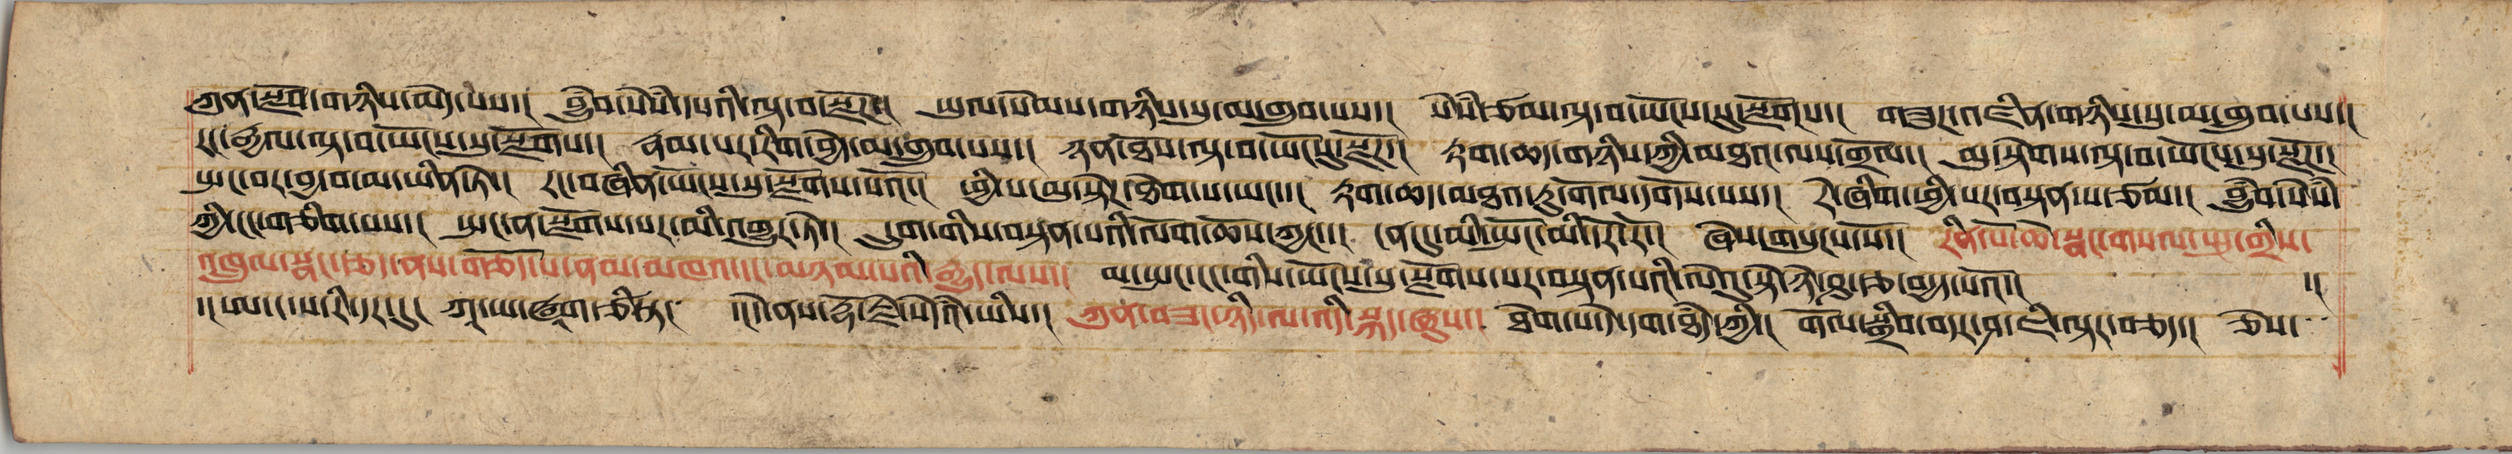ཀུན་སྫོབ་གཉིས་མེད་པས་། བྱུཾབ་སེཾས་དཔའི་ལྟ་བ་སྫོཌ་། ཡུལ་སེམས་གཉིས་སུ་མ་གྲུབ་པས་། སེཾས་ཙམ་ལྟ་བ་ཡོངས་སུ་སྫོགས་། གཟུཌ་འཛིན་གཉིས་སུ་མ་གྲུབ་པས་།
རང་རྒྱལ་ལྟ་བ་ཡོངས་སུ་སྫོགས་། རྣམ་པར་རིག་བྱེད་མ་གྲུབ་པས་། ཉན་ཐོས་ལྟ་བ་ཡོངསུ་སྫོཌ་། རྟག་ཆད་གཉིས་ཀྱི་མཐའ་ལས་གྲོལ་། མུ་སྟེགས་ལྟ་བ་ཡོངས་སུ་སྫོཌ་།
སྤང་བར་བྱ་བ་མ་ཡིན་ཏེ་། རང་བཞིན་ཡོངས་སུ་སྫོགས་པའོ་། ཕྱི་ས་མུ་སྟེཌ་ཐེག་པ་ཡང་་། རྟག་ཆད་མཐའ་རུ་གོལ་དགོས་པས་། རེ་ཞིག་ཕྱི་པར་བསྟན་པ་ཙམ་། བྱུཾབ་སེཾས་
ཀྱི་ངང་གཅིག་པས་། སྤང་ན་སྫོགས་པར་མི་འགྱུར་ཏེ་། དྲུག་གིས་བསྟན་པའི་ལོག་ཆོས་ཀྱང་་། ངན་དུ་མི་སྤོང་མི་དོར་རོ་། ཞེས་གསུངས་སོ་། རིན་པོ་ཆེ་སྣང་གསལ་སྤུ་གྲིས་
འཁྲུལ་སྣང་རྩད་ནས་གཅོད་པ་ནམ་མཁའ་དང་མཉམ་པའི་རྒྱུད་ལས་། མ་སྤང་ངང་གིས་ཡོངས་སུ་སྫོགས་པར་བསྟན་པའི་ལེའུ་སྟེ་ཉེ་ཤུ་རྩ་བདྱད་པའོ་།
་ངཨ་ར་ས་རི་དར་དུ། ཀཱ་ཡ་ཝཱག་ཙི་ཏ། ་།དེ་ནས་རྡོ་རྗེ་སེདཾའ་ཡིས་། ཀུན་བཟང་ཉིད་ལ་འདི་སྐད་ཞུས་། ཐེག་པ་དེ་དག་ཐཾད་ཀྱི་། གོལ་སྒྲིབ་བདར་ཤ་ཇི་ལྟར་བཅད་། ཅེས་